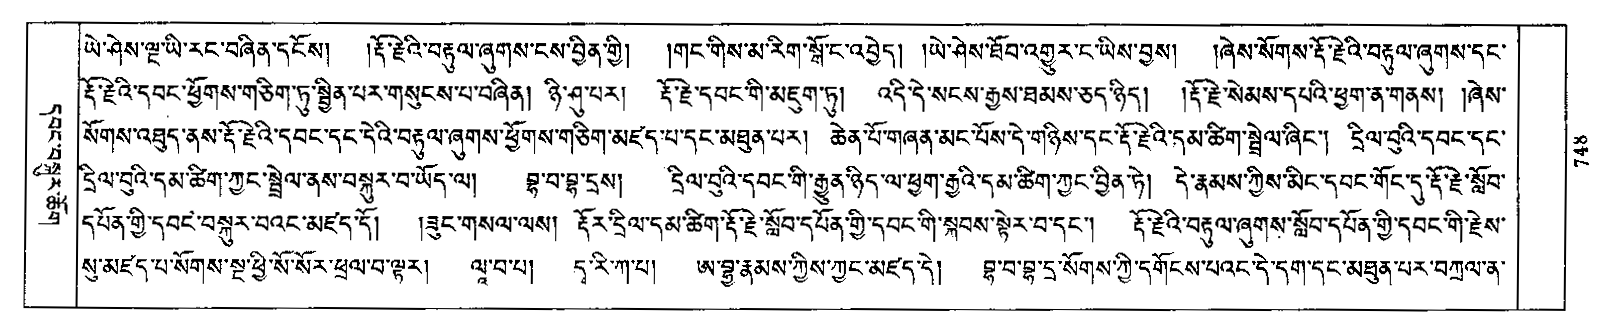ཡེ་ཤེས་ལྔ་ཡི་རང་བཞིན་དངོས། །རྡོ་རྗེའི་བརྟུལ་ཞུགས་ངས་བྱིན་གྱི། །གང་གིས་མ་རིག་སྒོ་ང་འབྱེད། །ཡེ་ཤེས་ཐོབ་འགྱུར་ང་ཡིས་བྱས། །ཞེས་སོགས་རྡོ་རྗེའི་བརྟུལ་ཞུགས་དང་
རྡོ་རྗེའི་དབང་ཕྱོགས་གཅིག་ཏུ་སྦྱིན་པར་གསུངས་པ་བཞིན། ཉི་ཤུ་པར། རྡོ་རྗེ་དབང་གི་མཇུག་ཏུ། འདི་དེ་སངས་རྒྱས་ཐམས་ཅད་ཉིད། །རྡོ་རྗེ་སེམས་དཔའི་ཕྱག་ན་གནས། །ཞེས་
སོགས་འཐུད་ནས་རྡོ་རྗེའི་དབང་དང་དེའི་བརྟུལ་ཞུགས་ཕྱོགས་གཅིག་མཛད་པ་དང་མཐུན་པར། ཆེན་པོ་གཞན་མང་པོས་དེ་གཉིས་དང་རྡོ་རྗེའི་དམ་ཚིག་སྦྲེལ་ཞིང་། དྲིལ་བུའི་དབང་དང་
དྲིལ་བུའི་དམ་ཚིག་ཀྱང་སྦྲེལ་ནས་བསྐུར་བ་ཡོད་ལ། བྷ་བ་བྷ་དྲས། དྲིལ་བུའི་དབང་གི་རྒྱུན་ཉིད་ལ་ཕྱག་རྒྱའི་དམ་ཚིག་ཀྱང་བྱིན་ཏེ། དེ་རྣམས་ཀྱིས་མིང་དབང་གོང་དུ་རྡོ་རྗེ་སློབ་
དཔོན་གྱི་དབང་བསྐུར་བའང་མཛད་དོ། །ཟུང་གསལ་ལས། རྡོར་དྲིལ་དམ་ཚིག་རྡོ་རྗེ་སློབ་དཔོན་གྱི་དབང་གི་སྐབས་སྟེར་བ་དང་། རྡོ་རྗེའི་བརྟུལ་ཞུགས་སློབ་དཔོན་གྱི་དབང་གི་རྗེས་
སུ་མཛད་པ་སོགས་སྔ་ཕྱི་སོ་སོར་ཕྲལ་བ་ལྟར། ལཱ་བ་པ། དྭ་རི་ཀ་པ། ཨ་བྷྱ་རྣམས་ཀྱིས་ཀྱང་མཛད་དེ། བྷ་བ་བྷ་དྲ་སོགས་ཀྱི་དགོངས་པའང་དེ་དག་དང་མཐུན་པར་བཀྲལ་ན་